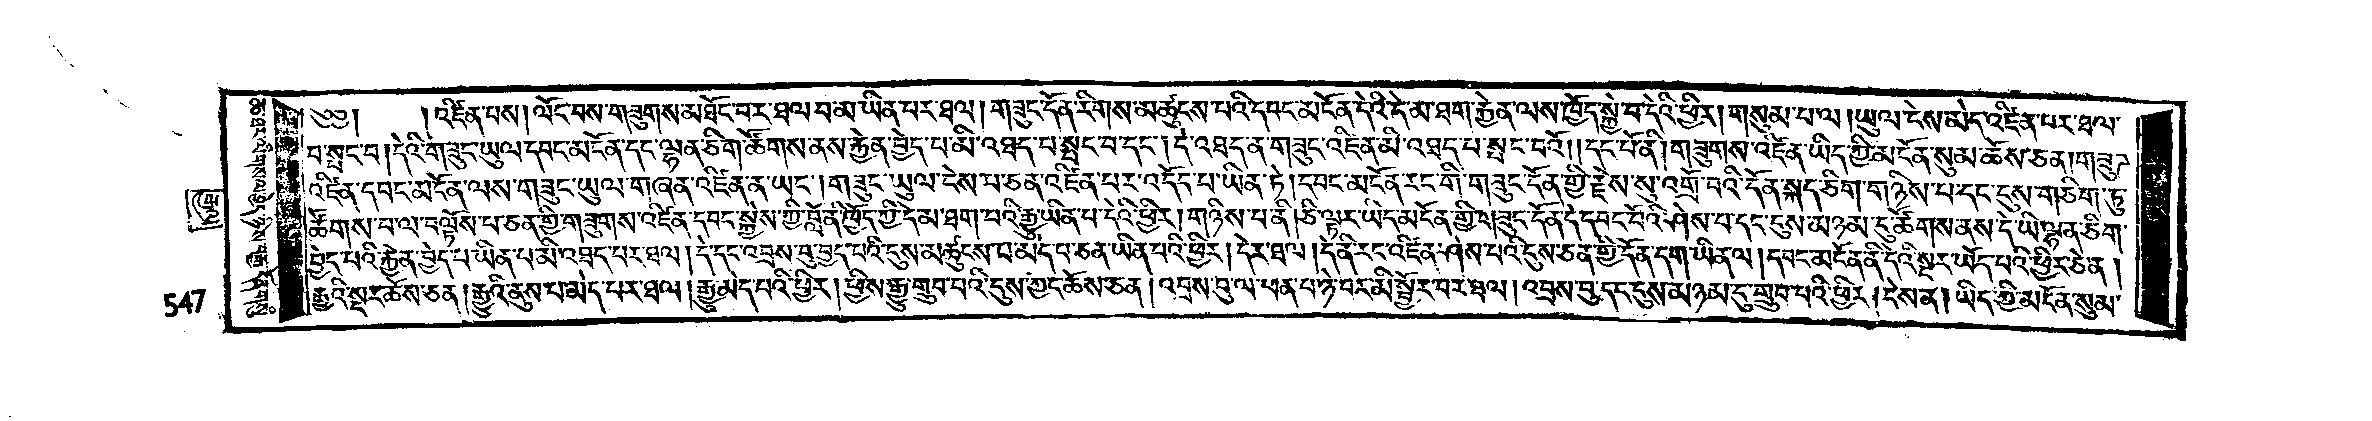༄༅། །འཛིན་པས། ལོང་བས་གཟུགས་མཐོང་བར་ཐལ་བ་མ་ཡིན་པར་ཐལ། གཟུང་དོན་རིགས་མཚུངས་པའི་དབང་མངོན་དེའི་དེ་མ་ཐག་རྐྱེན་ལས་ཁྱོད་སྐྱེ་བ་དེའི་ཕྱིར། གསུམ་པ་ལ། ཡུལ་ངེས་མེད་འཛིན་པར་ཐལ་
བ་སྤང་བ། དེའི་གཟུང་ཡུལ་དབང་མངོན་དང་ལྷན་ཅིག་ཚོགས་ནས་རྐྱེན་བྱེད་པ་མི་འཐད་པ་སྤང་བ་དང་། དེ་འཐད་ན་གཟུང་འཛིན་མི་འཐད་པ་སྤང་བའོ། །དང་པོ་ནི། གཟུགས་འཛིན་ཡིད་ཀྱི་མངོན་སུམ་ཆོས་ཅན། གཟུགས་
འཛིན་དབང་མངོན་ལས་གཟུང་ཡུལ་གཞན་འཛིན་ན་ཡང་། གཟུང་ཡུལ་ངེས་པ་ཅན་འཛིན་པར་འདོད་པ་ཡིན་ཏེ། དབང་མངོན་རང་གི་གཟུང་དོན་གྱི་རྗེས་སུ་འགྲོ་བའི་དོན་སྐད་ཅིག་གཉིས་པ་དང་དུས་གཅིག་ཏུ་
ཚོགས་པ་ལ་བལྟོས་པ་ཅན་གྱི་གཟུགས་འཛིན་དབང་སྐྱེས་ཀྱི་བློ་ནི་ཁྱོད་ཀྱི་དེ་མ་ཐག་པའི་རྒྱུ་ཡིན་པ་དེའི་ཕྱིར། གཉིས་པ་ནི། ཅི་ལྟར་ཡིད་མངོན་གྱི་གཟུང་དོན་དེ་དབང་པོའི་ཤེས་པ་དང་པ་དང་དུས་མཉམ་དུ་ཚོགས་ནས་དེ་ཡི་ལྷན་ཅིག་
བྱེད་པའི་རྐྱེན་བྱེད་པ་ཡིན་པ་མི་འཐད་པར་ཐལ། དེ་དང་འབྲས་བུ་བྱེད་པའི་དུས་མཚུངས་པ་མེད་པ་ཅན་ཡིན་པའི་ཕྱིར། དེར་ཐལ། དེ་ནི་རང་འཛིན་ཤེས་པའི་དུས་ཅན་གྱི་དོན་དག་ཡིན་ལ། དབང་མངོན་ནི་དེའི་སྔར་ཡོད་པའི་ཕྱིར་ཅེ་ན།
རྒྱའི་སྔར་ཆོས་ཅན། རྒྱུའི་ནུས་པ་མེད་པར་ཐལ། རྒྱུ་མེད་པའི་ཕྱིར། ཕྱིས་རྒྱུ་གྲུབ་པའི་དུས་ཀྱང་ཆོས་ཅན། འབྲས་བུ་ལ་ཕན་པ་ཉེ་བར་མི་སྦྱོར་བར་ཐལ། འབྲས་བུ་དང་དུས་མཉམ་དུ་གྲུབ་པའི་ཕྱིར། ངེས་ན། ཡིད་ཀྱི་མངོན་སུམ་